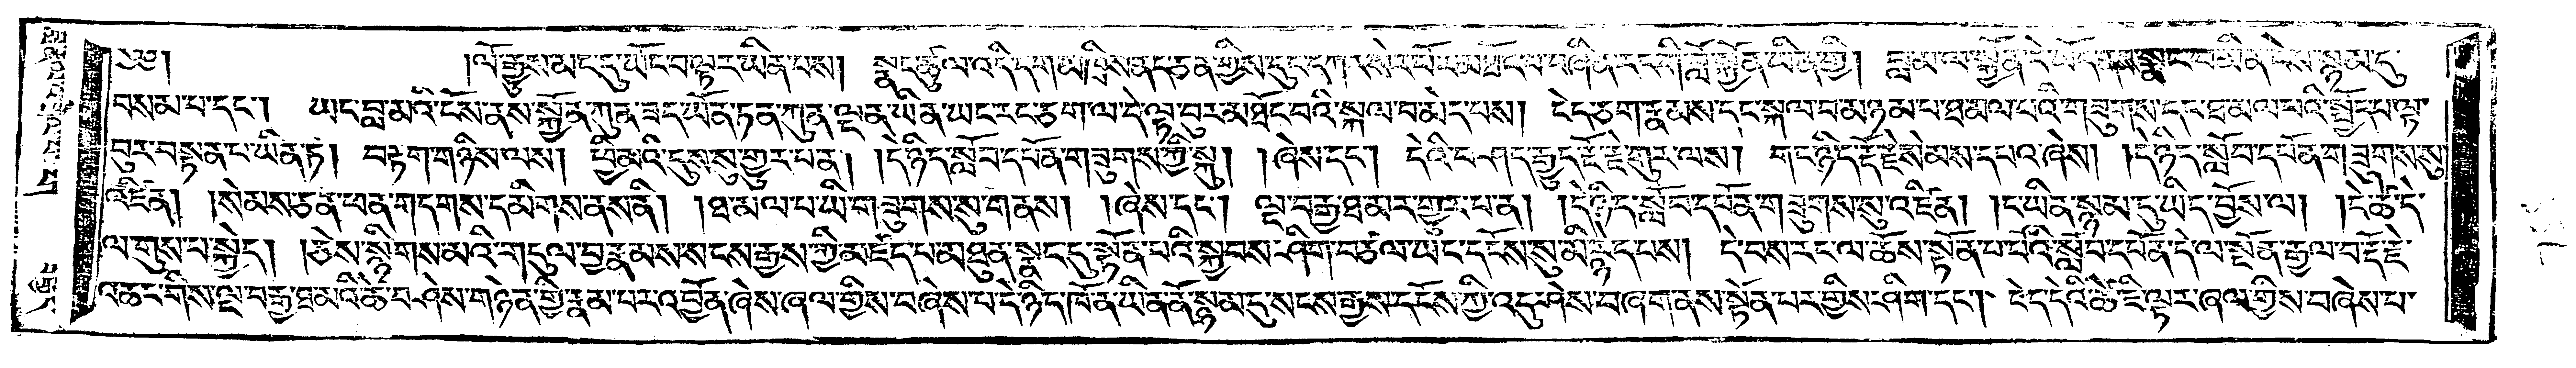༄༅། །ལོ་རྒྱུས་མང་དུ་ཡོང་བ་ལྟར་ཡིན་པས། སྣང་ཚུལ་འདི་དག་མཁྲིས་ནད་ཅན་གྱིས་དུང་དཀར་སེར་པོར་མཐོང་བ་བཞིན་རང་གི་བློ་སྐྱོན་ཡིན་གྱི། བླ་མ་ལ་སྐྱོན་དེ་ཡོང་ནས་སྣང་བ་མིན་ངེས་སྙམ་དུ་
བསམ་པ་དང་། ཡང་བླ་མའི་ངོས་ནས་སྐྱོན་ཀུན་ཟང་ཡོན་ཏན་ཀུན་ལྡན་ཡིན་ཡང་རང་ཅག་ལ་དེ་ལྟ་བུར་མཐོང་བའི་སྐལ་བ་མེད་པས། དེད་ཅག་རྣམས་དང་སྐལ་པ་མཉམ་པ་ཐ་མལ་པའི་གཟུགས་དང་ཐ་མལ་པའི་སྤྱོད་པ་ལྟ་
བུར་བསྟན་པ་ཡིན་ཏེ། བརྟག་གཉིས་ལས། ཕྱི་མའི་དུས་སུ་གྱུར་པ་ན། །དེ་ཉིད་སློབ་དཔོན་གཟུགས་ཀྱི་སྐུ། །ཞེས་དང་། དེའི་བཤད་རྒྱུད་རྡོ་རྗེ་གུར་ལས། གང་ཉིད་རྡོ་རྗེ་སེམས་དཔའ་ཞེས། །དེ་ཉིད་སློབ་དཔོན་གཟུགས་སུ་
འཛིན། །སེམས་ཅན་ཕན་གདགས་དམིགས་ནས་ནི། །ཐ་མལ་པ་ཡི་གཟུགས་སུ་གནས། །ཞེས་དང་། ལྔ་བརྒྱ་ཐ་མར་གྱུར་པ་ན། །དེ་ཉིད་སློབ་དཔོན་གཟུགས་སུ་འཛིན། །ང་ཡི་མ་སྙམ་དུ་ཡིད་བྱོས་ལ། །དེ་ཚེ་དེ་
ལ་གུས་པ་སྐྱེད། །ཅེས་སྙིགས་མའི་གདུལ་བྱ་རྣམས་སངས་རྒྱས་ཀྱི་མཛད་པ་མཐུན་སྣང་དུ་སྟོན་པའི་སྐྱབས་ཤིག་བཙལ་ཡང་དངོས་སུ་མི་རྙེད་པས། དེ་བས་རང་ལ་ཆོས་སྟོན་པ་པོའི་སློབ་དཔོན་དེ་ལ་སྔོན་རྒྱལ་བ་རྡོ་རྗེ་
འཆང་གིས་ལྔ་བརྒྱ་ཐ་མའི་ཚེ་བཤེས་གཉེན་གྱི་རྣམ་པར་འབྱོན་ཞེས་ཞལ་གྱིས་བཞེས་པ་དེ་ཉིད་ཁོ་ན་ཡིན་ནོ་སྙམ་དུ་སངས་རྒྱས་དངོས་ཀྱི་འདུ་ཤེས་བཞག་ནས་སྟོན་པར་གྱིས་ཤིག་དང་། ངེད?་དེའི་ཚེ་ཇི་ལྟར་ཞལ་གྱིས་བཞེས་པ་